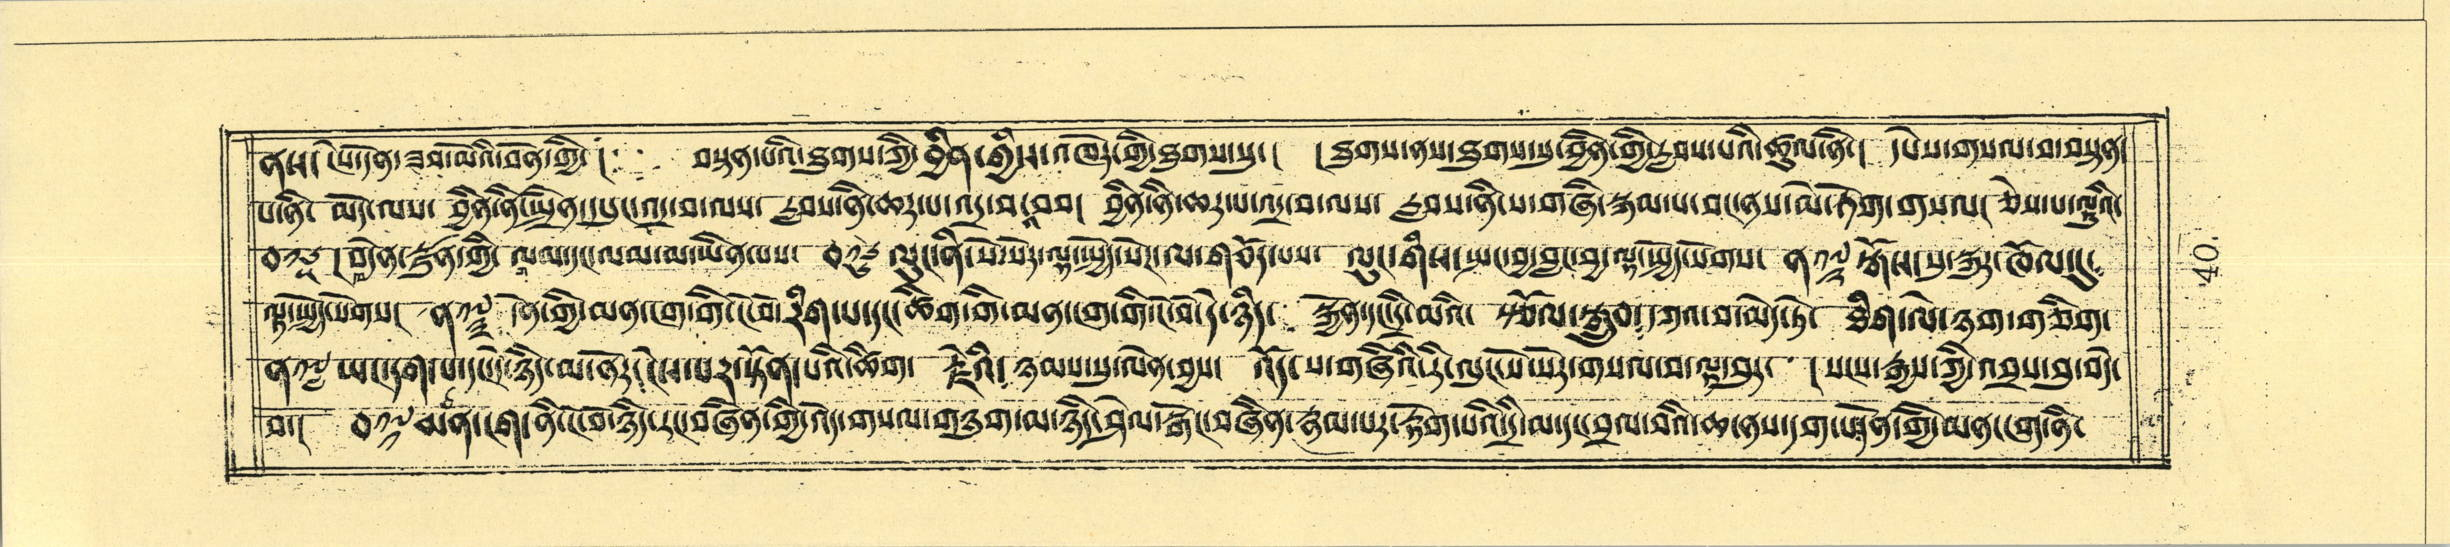༼ནས་༽ངེས་དོན་ཟབ་མོའི་བོན་གྱི། བསྟན་པའི་ཐུགས་ཀྱིས་༼བྱིན་གྱིས༽འཁོར་གྱི་ཐུགས་སུ། ཐུགས་ནས་ཐུགས་སུ་བྱིན་གྱིས་བརླབ་པའི་ཚུལ་ནི། དཔེས་གསལ་བ་བསྟན་
པ་ནི། མདོ་ལས། བྱིན་ནི་སྤྲིན་དཔུང་འདྲ་བ་ལ། རླབས་ནི་ཆར་པ་འདྲ་བ་འབབས། བྱིན་ནི་ཆར་པ་འདྲ་བ་ལས། རླབས་ནི་ས་གཞི་སྐམ་པ་བང་ནས་མེ་ཏོག་གསལ། ཅེས་པ་ལྟ་བུའི་
བ༡༦།༥ བདེན་རྫུན་གྱི་ལམ་དང་ལམ་མ་ཡིན་པས་ བ༡༦།༦ ༼ལུང་ནི༽སོ་སོར་ལྟ་སྤྱོད་སོགས་༼ལ་གཅོད༽པས་ལུང་གིས་སྤང་བྱ་ལྟ་སྤྱོད་སོགས། ན༡༧།༢ ༼སྒོས་༽སུ་སྐུར་༼ཁོལ་དུ༽
ལྟ་སྤྱོད་སོགས་ ན༡༧།༣ དོན་གྱི་མན་ངག་གི་ངོ་བོ་༼དེ་ཉིད༽སྐྱོན་དང་དྲི་མའི་༼རྩོལ་སྒྲུབ༽དཀའ་བ་མེད་དེ་༼ཐིག་ལེ༽ཉག་གཅིག་ 
ན༡༧།༤ ༼ཡང་དག་པ༽དང་དེ་ཉིད་མ་ནོར་༼ངེས་པར་སྟོན༽པའི་ཚིག་༼རྗེའི༽ཉམས་སུ་ལེན་བྱས་ ༼འོད༽ས་གཞིའི་རི་ལུང་སོ་སོར་གསལ་བ་ལྟ་བུར། སངས་རྒྱས་ཀྱི་འབྲས་བུ་བདེ་
བ་ བ༡༧།༡ ༼མན་ངག༽ནི་ངོ་བོ་ཉིད་ཀྱི་རང་བཞིན་འོད་གསལ་གཉུག་མ་ཉིད་ཤེལ་སྒོང་བཞིན་རྣམ་པར་རྟོག་པའི་དྲི་མ་དང་བྲལ་བའི་ཆ་ནས་དག་པ་དོན་གྱི་མན་ངག་ནི་